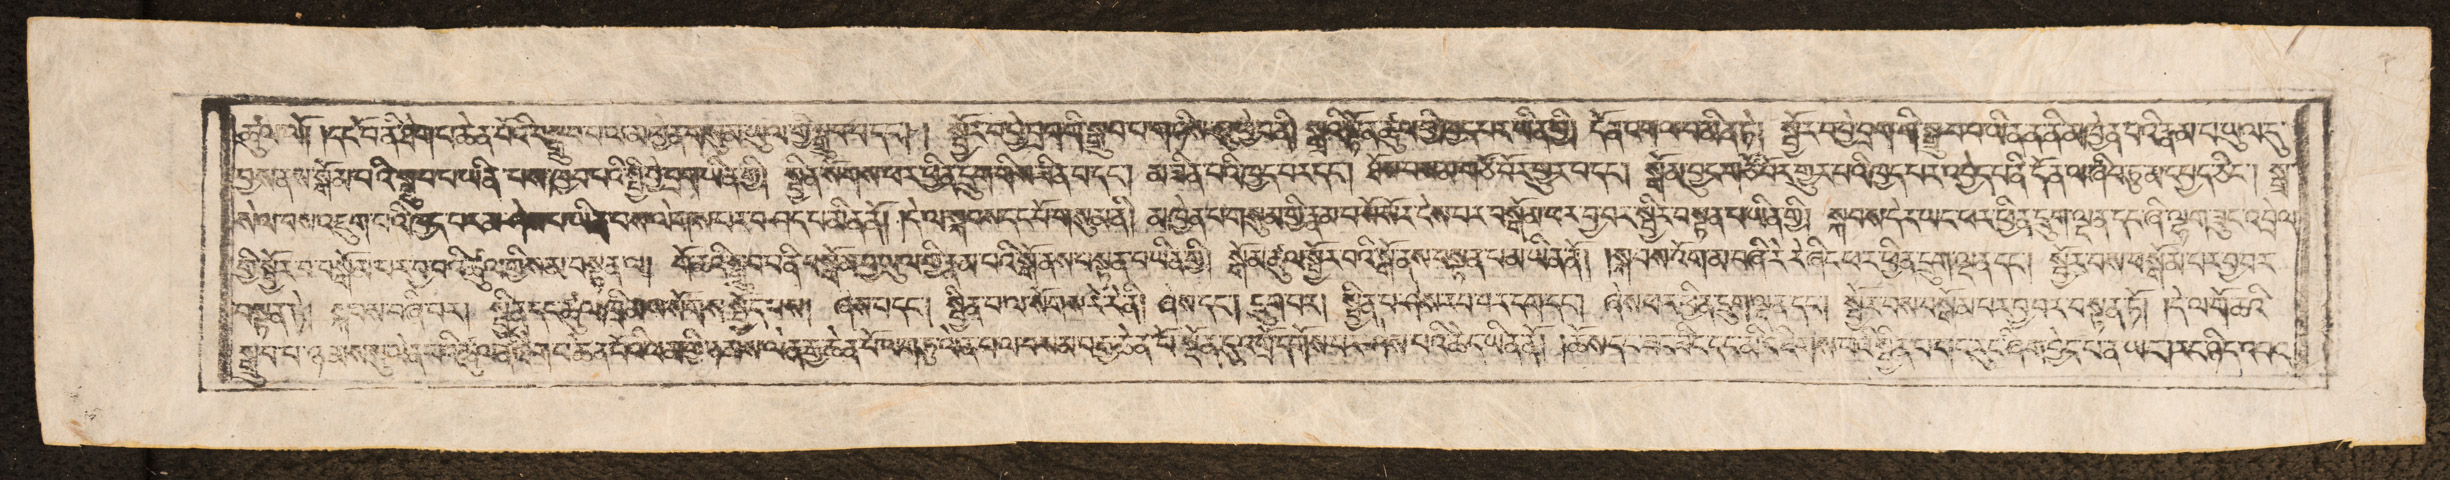ཚུལ་ལོ། །དང་པོ་ནི་ཐེག་པ་ཆེན་པོའི་བསྒྲུབ་པ་ལ་མཁྱེན་གསུམ་ཡུལ་གྱི་སྒྲུབ་པ་དང་། །སྦྱོར་བ་བྱེ་བྲག་གི་སྒྲུབ་པ་གཉིས་སུ་ཕྱེ་བ་ནི། སྒྲའི་སྟོན་ཚུལ་གྱི་ཁྱད་པར་ཡིན་གྱི། དོན་འགལ་བ་མིན་ཏེ། སྦྱོར་བ་བྱེ་བྲག་གི་སྒྲུབ་པ་ཡིན་ན་ནི་མཁྱེན་པའི་རྣམ་པ་ཡུལ་དུ་
བྱས་ནས་སྒོམ་པའི་སྒྲུབ་པ་ཡིན་པས་ཁྱབ་པའི་སྤྱི་བྱེ་བྲག་ཡིན་གྱི། སྦྱིན་སོགས་ཕར་ཕྱིན་དྲུག་གིས་ཟིན་པ་དང་། མ་ཟིན་པའི་ཁྱད་པར་དང་། ཐོས་བསམ་གཙོ་བོར་གྱུར་པ་དང་། སྒོམ་བྱུང་གཙོ་བོར་གྱུར་པའི་ཁྱད་པར་འབྱེད་པ་ནི་དོན་ལ་ཞིབ་ཏུ་མ་དཔྱད་ཅིང་། སྒྲ་
སེལ་བས་འཇུག་པའི་ཁྱད་པར་མ་ཤེས་པ་ཡིན་པས་ལེགས་པར་བཤད་པ་མིན་ནོ། །དེ་ལ་སྐབས་དང་པོ་གསུམ་ནི། མཁྱེན་པ་གསུམ་གྱི་རྣམ་པ་སོ་སོར་ངེས་པར་བསྒོམ་པར་བྱ་བར་སྤྱིར་བསྟན་པ་ཡིན་གྱི། སྐབས་དེར་ཡང་ཕར་ཕྱིན་དྲུག་ལྡན་དང་ཞི་ལྷག་ཟུང་འབྲེལ་
གྱི་སྦྱོར་བ་བསྒོམ་པར་བྱ་བའི་ཚུལ་གྱིས་མ་བསྟན་ལ། གོ་ཆའི་སྒྲུབ་པ་ནི་བསྒོམ་བྱ་ཡུལ་གྱི་རྣམ་པའི་སྒོ་ནས་བསྟན་པ་ཡིན་གྱི། སྒོམ་ཚུལ་སྦྱོར་བའི་སྒོ་ནས་བསྟན་པ་མ་ཡིན་ནོ། །སྐབས་འོག་མ་བཞི་རེ་རེ་ཞིང་ཕར་ཕྱིན་དྲུག་ལྡན་དང་། སྦྱོར་བས་བསྒོམ་པར་བྱ་བར་
བསྟན་ཏེ། སྐབས་བཞི་པར། སྦྱིན་དང་ཚུལ་ཁྲིམས་སོགས་སྤྱོད་པས། ཞེས་པ་དང་། སྦྱིན་པ་ལ་སོགས་རེ་རེ་ནི། ཞེས་དང་། དྲུག་པར། སྦྱིན་པ་ཤེས་རབ་བར་དག་དང་། ཞེས་ཕར་ཕྱིན་དྲུག་ལྡན་དང་། སྦྱོར་བས་བསྒོམ་པར་བྱ་བར་བསྟན་ཏོ། །དེ་ལ་གོ་ཆའི་
སྒྲུབ་པ་ཉམས་སུ་ལེན་པའི་ཚུལ་ནི། ཐེག་པ་ཆེན་པོའི་ལམ་གྱི་ཉམས་ལེན་རྒྱ་ཆེན་པོ་ལག་ཏུ་ལེན་པ་ལ་བསམ་པ་རྒྱ་ཆེན་པོ་སྔོན་དུ་འགྲོ་དགོས་པར་ཤེས་པའི་ཆེད་ཡིན་ནོ། །ཆོས་དང་ཟང་ཟིང་དང་མི་འཇིགས་པའི་སྦྱིན་པ་གང་རུང་ཞིག་བྱེད་པ་ན་ཡང་། རང་ཉིད་འབའ་